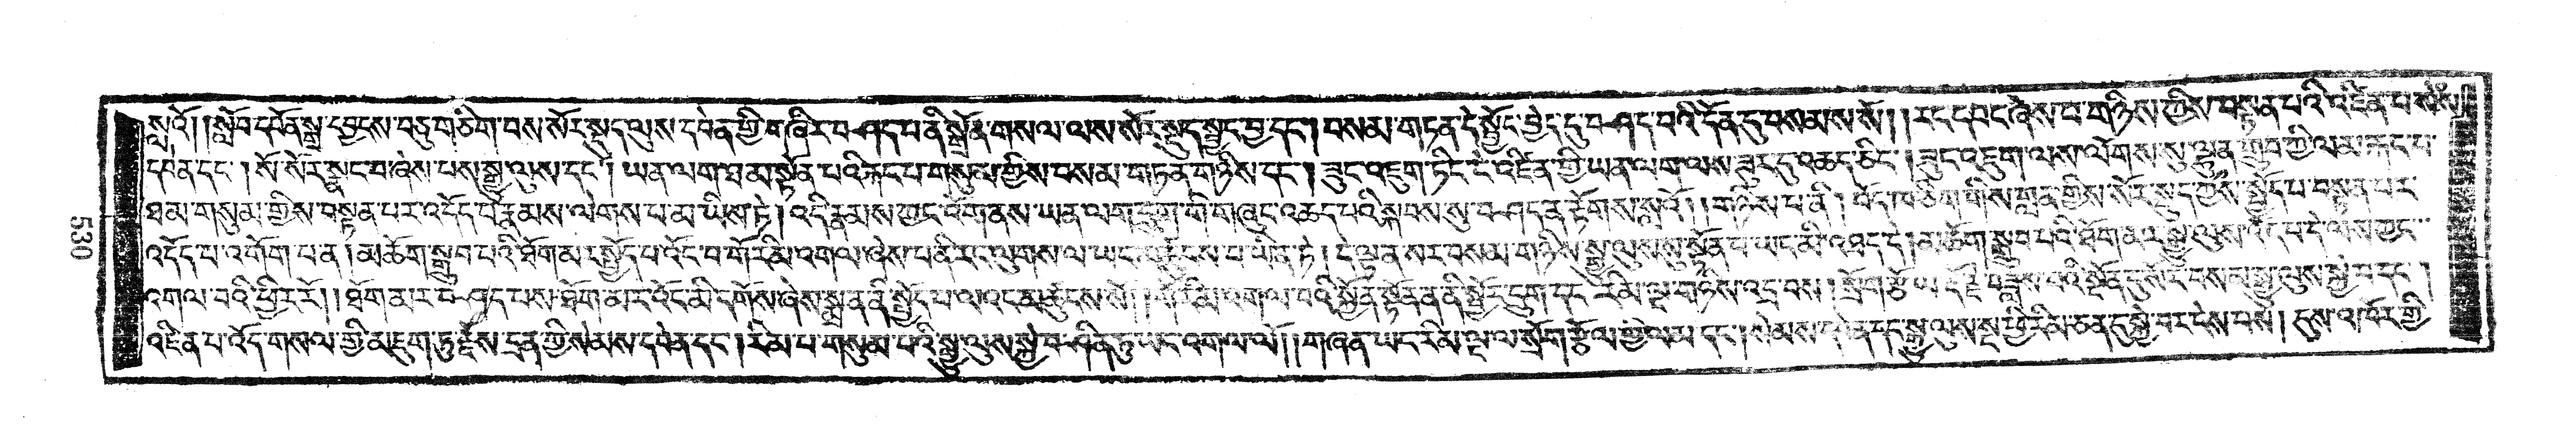སླའོ། །སློབ་དཔོན་སྒྲ་དབྱངས་བཅུ་གཅིག་བས་སོར་སྡུད་ལུས་དབེན་གྱི་གཞིར་བཤད་པ་ནི་སྒྲོན་གསལ་ལས་སོར་སྡུད་སྦྱང་བྱ་དང་། བསམ་གཏན་དེ་སྦྱོང་བྱེད་དུ་བཤད་པའི་དོན་དུ་བསམས་སོ། །རང་དབང་ཞེས་པ་གཉིས་ཀྱིས་བསྟན་པའི་འཛིན་པ་སེམས་
དབེན་དང་། སོ་སོར་སྣང་བ་ཞེས་པས་སྒྱུ་ལུས་དང་། ཡན་ལག་ཐ་མ་སྟོན་པའི་རྐང་པ་གསུམ་གྱིས་བསམ་གཏན་གཉིས་དང་། ཟུང་འཇུག་ཏིང་ངེ་འཛིན་གྱི་ཡན་ལག་ལས་ཟུར་དུ་འཆད་ཅིང་། ཟུང་འཇུག་ལས་ལོགས་སུ་ལྷུན་གྲུབ་ཀྱི་ལམ་རྐང་པ་
ཐ་མ་གསུམ་གྱིས་བསྟན་པར་འདོད་པ་རྣམས་ལེགས་པ་མ་ཡིན་ཏེ། འདི་རྣམས་ཀྱང་འོག་ནས་ཡན་ལག་དྲུག་གི་གཞུང་འཆད་པའི་སྐབས་སུ་བཤད་ན་རྟོགས་སླའོ། །གཉིས་པ་ནི། བོད་ཁ་ཅིག་གིས་གླན་གྱིས་སོར་སྡུད་ཀྱིས་སྤྱོད་པ་བསྟན་པར་
འདོད་པ་འགོག་པ་ན། མཆོག་སྒྲུབ་པའི་ཐོག་མར་སྤྱོད་པ་འོང་བ་གོ་རིམ་འགལ་ཞེས་པ་ནི་རང་ལུགས་ལ་ཡང་མཚུངས་པ་ཡིན་ཏེ། དེ་ལྟ་ན་སོར་བསམ་གཉིས་སྒྱུ་ལུས་སུ་སྟོན་པ་ཡང་མི་འཐད་དེ། མཆོག་སྒྲུབ་པའི་ཐོག་མར་སྒྱུ་ལུས་འོང་བ་དེ་ལས་ཀྱང་
འགལ་བའི་ཕྱིར་རོ། །ཐོག་མར་བཤད་པས་ཐོག་མར་འོང་མི་དོགས་ཞེས་སྨྲ་ན་ནི་སྤྱོད་པ་ལའང་མཚུངས་སོ། །གོ་རིམ་འགལ་བའི་སྐྱོན་སྟོན་ན་ནི་སྦྱོར་དྲུག་དང་རིམ་ལྔ་གཉིས་འདྲ་བས། སྲོག་རྩོལ་རྡོ་རྗེ་བཟླས་པའི་སྔོན་དུ་སོར་བསམ་སྒྱུ་ལུས་སྐྱེ་བ་དང་།
འཛིན་པ་འོད་གསལ་གྱི་མཇུག་ཏུ་རྗེས་དྲན་གྱི་སེམས་དབེན་དང་། རིམ་པ་གསུམ་པའི་སྒྱུ་ལུས་སྐྱེ་བ་ཤིན་ཏུ་ཡང་འགལ་ལོ། །གཞན་ཡང་རིམ་ལྔ་ལ་སྲོག་རྩོལ་གྱི་ལམ་དང་། སེམས་དབེན་དང་སྒྱུ་ལུས་སྔ་ཕྱི་རིམ་ཅན་དུ་སྐྱེ་བར་ངེས་པས། དུས་འཁོར་གྱི་